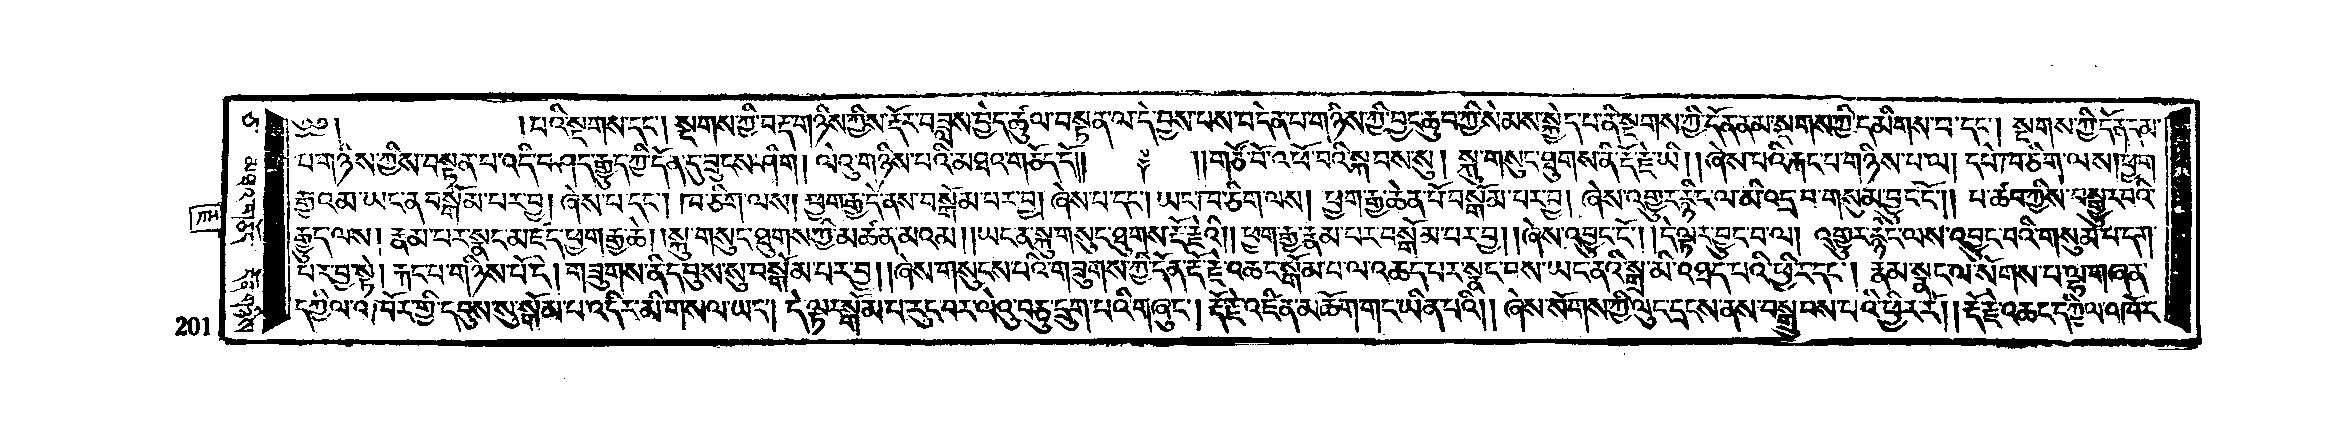༄༅། །པའི་སྔགས་དང་། སྔགས་ཀྱི་བརྡ་གཉིས་ཀྱིས་རྡོར་བཟླས་བྱེད་ཚུལ་བསྟན་ལ་དེ་བྱས་པས་བདེན་པ་གཉིས་ཀྱི་བྱང་ཆུབ་ཀྱི་སེམས་སྐྱེད་པ་ནི་སྔགས་ཀྱི་དོན་ནམ་སྔགས་ཀྱི་དམིགས་པ་དང་། སྔགས་ཀྱི་དོན་དམ་
པ་གཉིས་ཀྱིས་བསྟན་པ་འདི་བཤད་རྒྱུད་ཀྱི་དོན་དུ་ཟུངས་ཤིག །ལེའུ་གཉིས་པའི་མཐའ་གཅོད་དོ།། ༈ །།གཙོ་བོ་འཕོ་བའི་སྐབས་སུ། སྐུ་གསུང་ཐུགས་ནི་རྡོ་རྗེ་ཡི། །ཞེས་པའི་རྐང་པ་གཉིས་པ་ལ། དཔེ་ཁ་ཅིག་ལས། ཕྱག་
རྒྱ་འམ་ཡང་ན་བསྒོམ་པར་བྱ། ཞེས་པ་དང་། ཁ་ཅིག་ལས། ཕྱག་རྒྱ་དེ་ནས་བསྒོམ་པར་བྱ། ཞེས་པ་དང་། ཡང་ཁ་ཅིག་ལས། ཕྱག་རྒྱ་ཆེན་པོ་བསྒོམ་པར་བྱ། ཞེས་འགྱུར་རྙིང་ལ་མི་འདྲ་བ་གསུམ་བྱུང་ངོ། །པ་ཚབ་ཀྱིས་བསྒྱུར་བའི་
རྒྱུད་ལས། རྣམ་པར་སྣང་མཛད་ཕྱག་རྒྱ་ཆེ། །སྐུ་གསུང་ཐུགས་ཀྱི་མཚན་མའམ། །ཡང་ན་སྐུ་གསུང་ཐུགས་རྡོ་རྗེའི། །ཕྱག་རྒྱ་རྣམ་པར་བསྒོམ་པར་བྱ། །ཞེས་འབྱུང་ངོ། །དེ་ལྟར་བྱུང་བ་ལ། འགྱུར་རྙིང་ལས་འབྱུང་བའི་གསུམ་པ་དག་
པར་བྱ་སྟེ། རྐང་པ་གཉིས་པོ་དེ། གཟུགས་ནི་དབུས་སུ་བསྒོམ་པར་བྱ། །ཞེས་གསུངས་པའི་གཟུགས་ཀྱི་དོན་རྡོ་རྗེ་འཆང་སྒོམ་པ་ལ་འཆད་པར་སྣང་བས་ཡང་ནའི་སྒྲ་མི་འཐད་པའི་ཕྱིར་དང་། རྣམ་སྣང་ལ་སོགས་པ་ལྷ་གཞན་
དཀྱིལ་འཁོར་གྱི་དབུས་སུ་སྒོམ་པ་འདིར་མི་གསལ་ཡང་། དེ་ལྟར་སྒོམ་པ་རུང་བར་ལེའུ་བཅུ་དྲུག་པའི་གཞུང་། རྡོ་རྗེ་འཛིན་མཆོག་གང་ཡིན་པའི། །ཞེས་སོགས་ཀྱི་ལུང་དྲངས་ནས་བསྒྲུབས་པའི་ཕྱིར་རོ། །རྡོ་རྗེ་འཆང་དཀྱིལ་འཁོར་